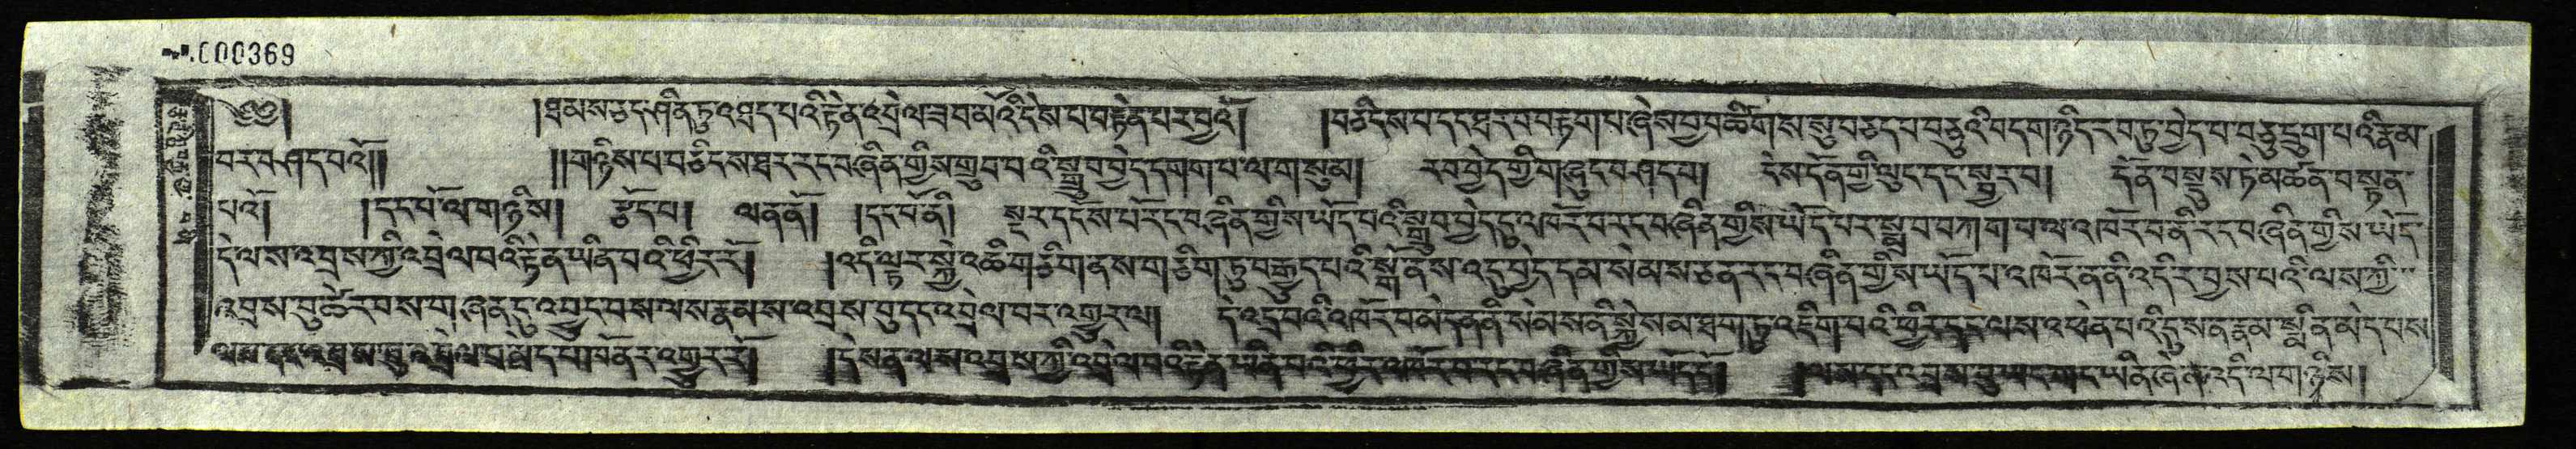༄༅། །ཐམས་ཅད་ཤིན་ཏུ་འཐད་པའི་རྟེན་འབྲེལ་ཟབ་མོའི་ངེས་པ་བརྟེན་པར་བྱའོ། །བཅིངས་པ་དང་ཐར་པ་བརྟག་པ་ཞེས་བྱ་བ་ཚིགས་སུ་བཅད་པ་བཅུའི་བདག་ཉིད་རབ་ཏུ་བྱེད་པ་བཅུ་དྲུག་པའི་རྣམ་
བར་བཤད་པའོ།། །།གཉིས་པ་བཅིངས་ཐར་རང་བཞིན་གྱིས་གྲུབ་པའི་སྒྲུབ་བྱེད་དགག་པ་ལ་གསུམ། རབ་བྱེད་གྱི་གཞུང་བཤད་པ། ངེས་དོན་གྱི་ལུང་དང་སྦྱར་བ། དོན་བསྡུས་ཏེ་མཚན་བསྟན་
པའོ། །དང་པོ་ལ་གཉིས། རྩོད་པ། ལན་ནོ། །དང་པོ་ནི། སྔར་དངོས་པོ་རང་བཞིན་གྱིས་ཡོད་པའི་སྒྲུབ་བྱེད་དུ་འཁོར་བ་རང་བཞིན་གྱིས་ཡོད་པར་སྨྲ་བ་བཀག་པ་ལ་འཁོར་བ་ནི་རང་བཞིན་གྱིས་ཡོད་
དེ་ལས་འབྲས་ཀྱི་འབྲེལ་བའི་རྟེན་ཡིན་པའི་ཕྱིར་རོ། །འདི་ལྟར་སྐྱེ་འཆི་གཅིག་ནས་གཅིག་ཏུ་བརྒྱུད་པའི་སྒོ་ནས་འདུ་བྱེད་དམ་སེམས་ཅན་རང་བཞིན་གྱིས་ཡོད་པ་འཁོར་ན་ནི་འདིར་བྱས་པའི་ལས་ཀྱི་
འབྲས་བུ་ཚེ་རབས་གཞན་དུ་འབྱུང་བས་ལས་རྣམས་འབྲས་བུ་དང་འབྲེལ་བར་འགྱུར་ལ། དེ་འདྲ་བའི་འཁོར་བ་མེད་ན་ནི་སེམས་ནི་སྐྱེས་མ་ཐག་ཏུ་འཇིག་པའི་ཕྱིར་དང་ལས་འཕེན་པའི་དུས་ན་རྣམ་སྨིན་མེད་པས་
ལས་དང་འབྲས་བུ་འབྲེལ་བ་མེད་པ་ཁོ་ནར་འགྱུར་རོ། །དེས་ན་ལས་འབྲས་ཀྱི་འབྲེལ་བའི་རྟེན་ཡིན་པའི་ཕྱིར་འཁོར་བ་རང་བཞིན་གྱིས་ཡོད་དོ། །ལས་དང་འབྲས་བུ་ཡང་གང་ཡིན་ཞེ་ན་འདི་ལ་གཉིས།